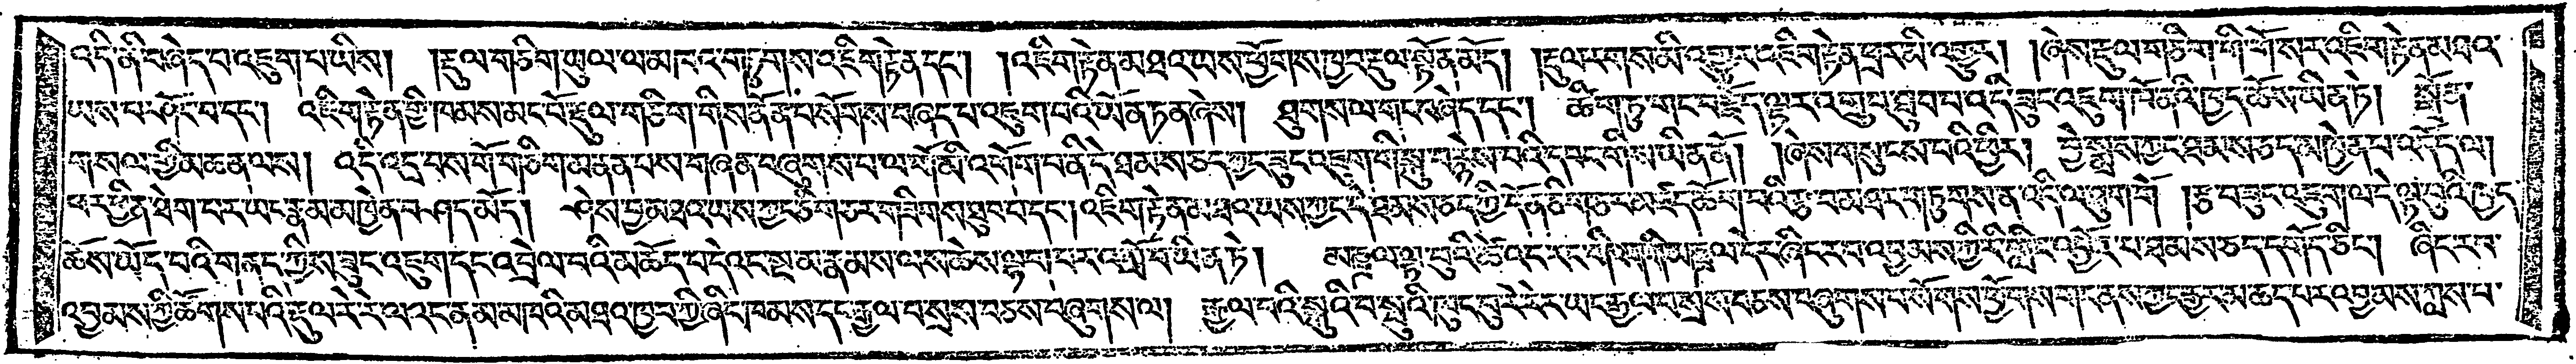འདི་ནི་བཞེད་པ་འཇུག་པ་ཡིས། །རྡུལ་གཅིག་ཡུལ་ལ་མཁའ་གཏུགས་འཇིག་རྟེན་དང་། །འཇིག་རྟེན་མཐའ་ཡས་ཕྱོགས་ཁྱབ་རྡུལ་སྟོན་མོད། །རྡུལ་རགས་མི་འགྱུར་འཇིག་རྟེན་ཕྲར་མི་འགྱུར། །ཞེས་རྡུལ་གཅིག་གི་གོ་སར་འཇིག་རྟེན་མཐའ་
ཡས་པ་ཤོང་བ་དང་། འཇིག་རྟེན་གྱི་ཁམས་མང་པོ་རྡུལ་གཅིག་གིས་ནོན་པ་སོགས་བཞད་པ་འཇུག་པའི་ཡོན་ཏན་ཞེས། ཐུགས་ལ་གང་བཞེད་དང་། ཚིག་ཏུ་གང་བརྗོད་ལྟར་འགྲུབ་ཐུབ་པ་འདི་ཟུང་འཇུག་ཁོ་ནའི་ཁྱད་ཆོས་ཡིན་ཏེ། སྒྲོན་
གསལ་གྱི་མཆན་ལས། འདི་འདྲ་བས་གོ་གཅིག་མནན་པས་གཞན་བཞུགས་པ་ལ་གོ་མི་འགོག་བ་ནི་དེ་ཐམས་ཅད་ཀྱང་ཟུང་འཇུག་གི་སྐུ་བརྙེས་པའི་དབང་གིས་ཡིན་ནོ། །ཞེས་གསུངས་བའི་ཕྱིར། བྱེ་སྨྲས་ཀྱང་ཐམས་ཅད་མཁྱེན་པ་འདོད་ལ།
ཕར་ཕྱིན་ཐེག་པར་ཡང་རྣམ་མཁྱེན་བཤད་མོད། ཤེས་བྱ་མཐའ་ཡས་ཀྱང་ཅིག་ཅར་གཟིགས་ཐུབ་པ་དང་། འཇིག་རྟེན་མཐའ་ཡས་ཀྱང་དེ་ཐམས་ཅད་ཀྱི་དོན་ཅིག་ཅར་མཛད་ཆོག་པའི་རྩ་བ་མཐར་གཏུགས་ན་འདི་ལ་ཐུག་གོ། །རྩ་བཟུང་འཇུག་ལ་དེ་ལྟ་བུའི་ཁྱད་
ཆོས་ཡོད་པའི་གནང་ཀྱིས་ཟུང་འཇུག་དང་འབྲེལ་བའི་མཆོད་པ་དེའང་སྔ་མ་རྣམས་ལས་ཆེས་ལྷག་པར་འགྲོ་བ་ཡིན་ཏེ།། མཎྜལ་ལྟ་བུའི་ཚེའང་རང་གི་གི་མཎྜལ་དེར་ཞིང་རབ་འབྱམས་ཀྱི་རི་གླིང་འབྱོར་བ་ཐམས་ཅད་དགོད་ཅིང་། ཞིང་རབ་
འབྱམས་ཀྱི་ཚོགས་བའི་རྡུལ་རེ་རེ་ལའང་ནམ་མཁའི་མཐའ་ཁྱབ་ཀྱི་ཞིང་ཁམས་དང་རྒྱལ་བ་སྲས་བཅས་བཞུགས་ལ། རྒྱལ་བའི་སྐུའི་བ་སྤུའི་ཁུང་བུ་རེ་རེར་ཡང་རྒྱལ་བ་སྲས་བཅས་བཞུགས་བ་སོགས་ཕྱོགས་གང་ནས་ཀྱང་རྒྱར་མ་ཆེད་པར་འབྱམས་ཀླས་པ་